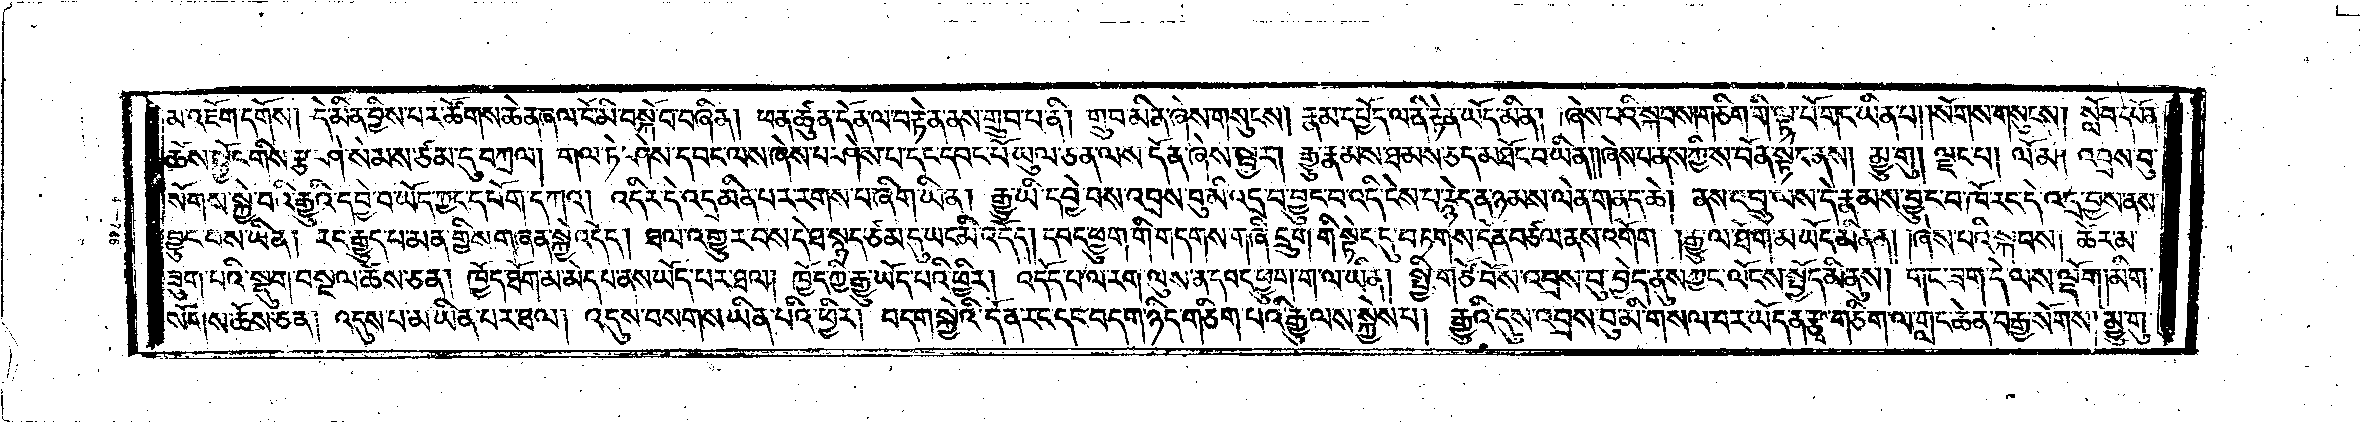མ་འཇོག་དགོས། དེ་མིན་བྱིས་པར་ཚོགས་ཆེན་ཞལ་ངོ་མི་བསྐོབ་བཞིན། ཕན་ཚུན་དོན་ལ་བརྟེན་ནས་གྲུབ་པ་ནི། གྲུབ་མིན་ཞེས་གསུངས། རྣམ་དཔྱོད་ལ་ནི་རྟེན་ཡོད་མིན། །ཞེས་པའི་སྐབས་གཅིག་གི་ལྟ་པོ་གང་ཡིན་པ། །སོགས་གསུངས། སློབ་དཔོན་
ཆོས་སྐྱོང་གིས་རྩ་ཤེ་སེམས་ཙམ་དུ་བཀྲལ། གལ་ཏེ་ཤེས་དབང་ལས་ཞེས་པ་ཤེས་པ་དང་དབང་པོ་ཡུལ་ཅན་ལས་དོན་ཞེས་སྦྱར། རྒྱུ་རྣམས་ཐམས་ཅད་མཐོང་བ་ཡིན། །ཞེས་པ་ནས་ཀྱི་ས་བོན་སྟེང་ནས། མྱུ་གུ། ལྗང་པ། ལོ་མ། འབྲས་བུ་
སོགས་སྐྱེ་བའི་རྒྱུའི་དབྱེ་བ་ཡོད་ཀྱང་དཔོག་དཀའ། འདིར་དེ་འདྲ་མིན་པར་རགས་པ་ཞིག་ཡིན། རྒྱུ་ཡི་དབྱེ་བས་འབྲས་བུ་མི་འདྲ་བ་བྱུང་བ་འདི་ངེས་པ་རྙེད་ན་ཉམས་ལེན་གནད་ཆེ། ནས་འབྲུ་ལས་དེ་རྣམས་བྱུང་བ་ཁོ་རང་དེ་འདྲ་བྱས་ནས་
བྱུང་བས་ཡིན། རང་རྒྱུད་པ་མན་གྱིས་གཞན་སྐྱེ་འདོད། ཐལ་འགྱུར་བས་དེ་ཐ་སྙད་ཙམ་དུ་ཡང་མི་འདོད། དབང་ཕྱུག་གི་གདགས་གཞི་དྲུག་གི་སྟེང་དུ་བཏགས་དོན་བཙལ་ནས་འགོག །རྒྱུ་ལ་ཐོག་མ་ཡོད་མིན་ན། །ཞེས་པའི་སྐབས། ཚེར་མ་
ཟུག་པའི་སྡུག་བསྔལ་ཆོས་ཅན། ཁྱོད་ཐོག་མ་མེད་པ་ནས་ཡོད་པར་ཐལ། ཁྱོད་ཀྱི་རྒྱུ་ཡོད་པའི་ཕྱིར། འདོད་པ་ལ་རག་ལུས་ན་དབང་ཕྱུག་ག་ལ་ཡིན། སྤྱི་གཙོ་བོས་འབྲས་བུ་བྱེད་ནུས་ཀྱང་ལོངས་སྤྱོད་མི་ནུས། གང་ཟག་དེ་ལས་ལྡོག །མིག་
སོགས་ཆོས་ཅན། འདུས་པ་མ་ཡིན་པར་ཐལ། འདུས་བསགས་ཡིན་པའི་ཕྱིར། བདག་སྐྱེའི་དོན་རང་དང་བདག་ཉིད་གཅིག་པའི་རྒྱུ་ལས་སྐྱེས་པ། རྒྱུའི་དུས་འབྲས་བུ་མི་གསལ་བར་ཡོད་ན་རྩྭ་གཅིག་ལ་གླང་ཆེན་བརྒྱ་སོགས། མྱུ་གུ་